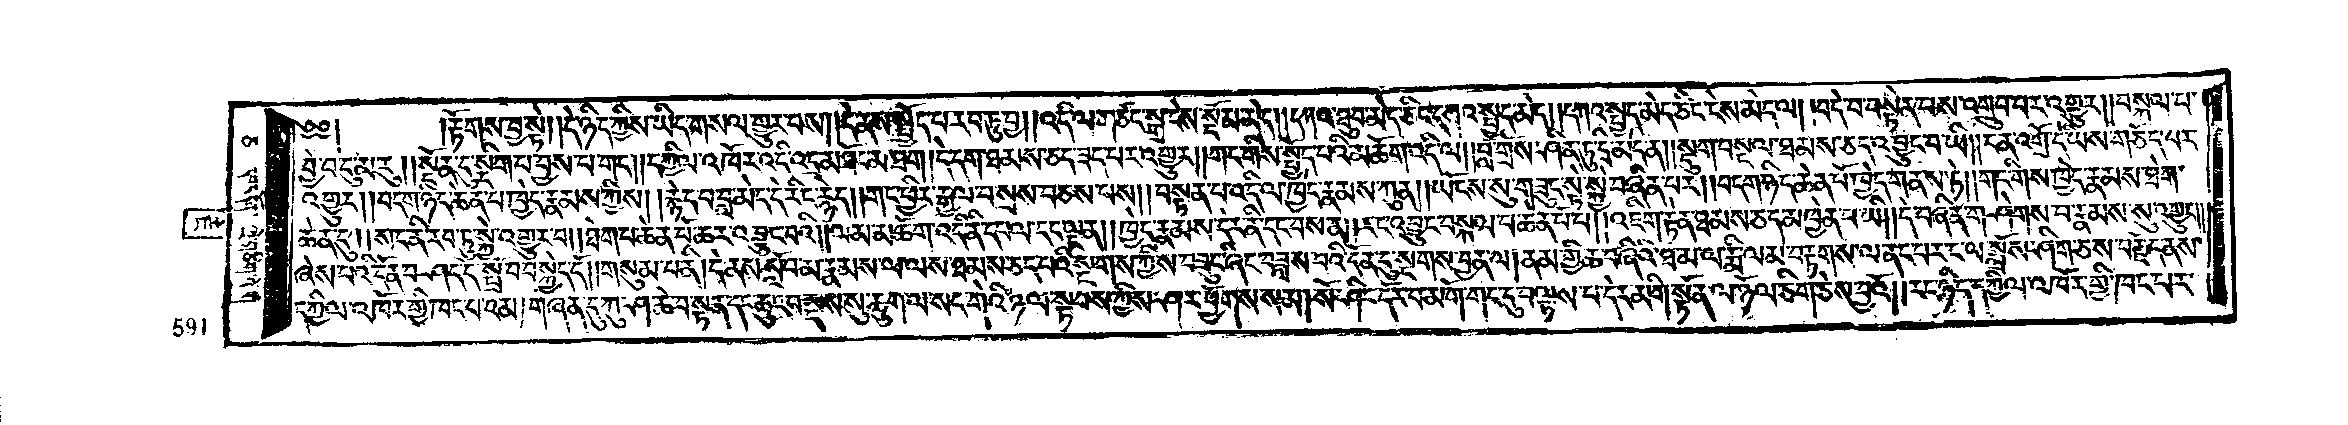༄༅། །རྟོགས་བྱ་སྟེ། །དེ་ཉིད་ཀྱིས་ཡིད་གསལ་གྱུར་པས། །དེ་ནས་སྤྱོད་པ་རབ་ཏུ་བྱ། །འདི་ལ་གཙང་སྒྲ་ངེས་སྡོམ་མེད། །དཀའ་ཐུབ་མེད་ཅིང་དཀའ་སྤྱད་མེད། །དཀའ་སྤྱད་མེད་ཅིང་ངེས་མེད་ལ། །བདེ་བ་བསྟེན་པས་འགྲུབ་པར་འགྱུར། །བསྐལ་པ་
བྱེ་བ་དུ་མ་རུ། །སྔོན་དུ་སྡིག་པ་བྱས་པ་གང་། །དཀྱིལ་འཁོར་འདི་འདྲ་མཐོང་མ་ཐག །དེ་དག་ཐམས་ཅད་ཟད་པར་འགྱུར། །གང་གིས་སྤྱོད་པའི་མཆོག་འདི་ལ། །བློ་གྲོས་ཤིན་ཏུ་དྲི་མེད་ན། །སྡུག་བསྔལ་ཐམས་ཅད་འབྱུང་བ་ཡི། །ངན་འགྲོ་དེ་ཡིས་གཅོད་པ་
འགྱུར། །བདག་ཉིད་ཆེན་པོ་ཁྱེད་རྣམས་ཀྱིས། །རྙེད་པ་བླ་མེད་དེ་རིང་རྙད། །གང་ཕྱིར་རྒྱལ་བ་སྲས་བཅས་པས། །བསྟན་པ་འདི་ལ་ཁྱེད་རྣམས་ཀུན། །ཡོངས་སུ་གཟུང་སྟེ་སྐྱེ་བཞིན་པར། །བདག་ཉིད་ཆེན་པོ་ཁྱེད་གནས་ཏེ། །གང་གིས་ཁྱེད་རྣམས་ཐེག་
ཆེན་དུ། །སང་ནི་རབ་ཏུ་སྐྱེ་འགྱུར་བ། །ཐེག་པ་ཆེན་པོ་ཆར་འབྱུང་བའི། །ལམ་མཆོག་འདི་ནི་དཔལ་དང་ལྡན། །ཁྱེད་རྣམས་དེར་ནི་དང་བས་ན། །རང་འབྱུང་བསྐལ་པ་ཆེན་པོ་པ། །འཇིག་རྟེན་ཐམས་ཅད་མཁྱེན་པ་ཡི། །དེ་བཞིན་གཤེགས་པ་རྣམས་སུ་འགྱུར།།
ཞེས་པའི་དོན་བཤད་དེ་སྤྲོ་བ་བསྐྱེད་དོ། །གསུམ་པ་ནི། དེ་ནས་སློབ་མ་རྣམས་ལ་ལས་ཐམས་ཅད་པའི་སྔགས་ཀྱིས་བཟུང་ཞིང་བཟླས་པའི་དོན་དུ་སྔགས་བྱིན་ལ། ནམ་གྱི་ཆ་བཞིའི་ཐ་མ་ལ་རྨི་ལམ་བརྟགས་ལ་ནང་པར་ང་ལ་སྨྲོས་ཤིག་ཅས་བརྗོད་ནས་
དཀྱིལ་འཁོར་གྱི་ཁང་པ་འམ། གཞན་དུ་ཀུ་ཤ་ཆེ་བ་སྟན་དང་ཆུང་བ་སྔས་སུ་ཆུག་ལ་སེང་གེའི་ཉལ་སྟབས་ཀྱིས་ཤར་ཕྱོགས་སམ། སོ་ཤིང་དོར་བ་མགོ་གང་དུ་བལྟས་པ་དེར་མག་སྟོན་ལ་ཉོལ་ཅིག་ཅེས་བྱའོ། །རང་ཉིད་དཀྱིལ་འཁོར་གྱི་ཁང་པར་